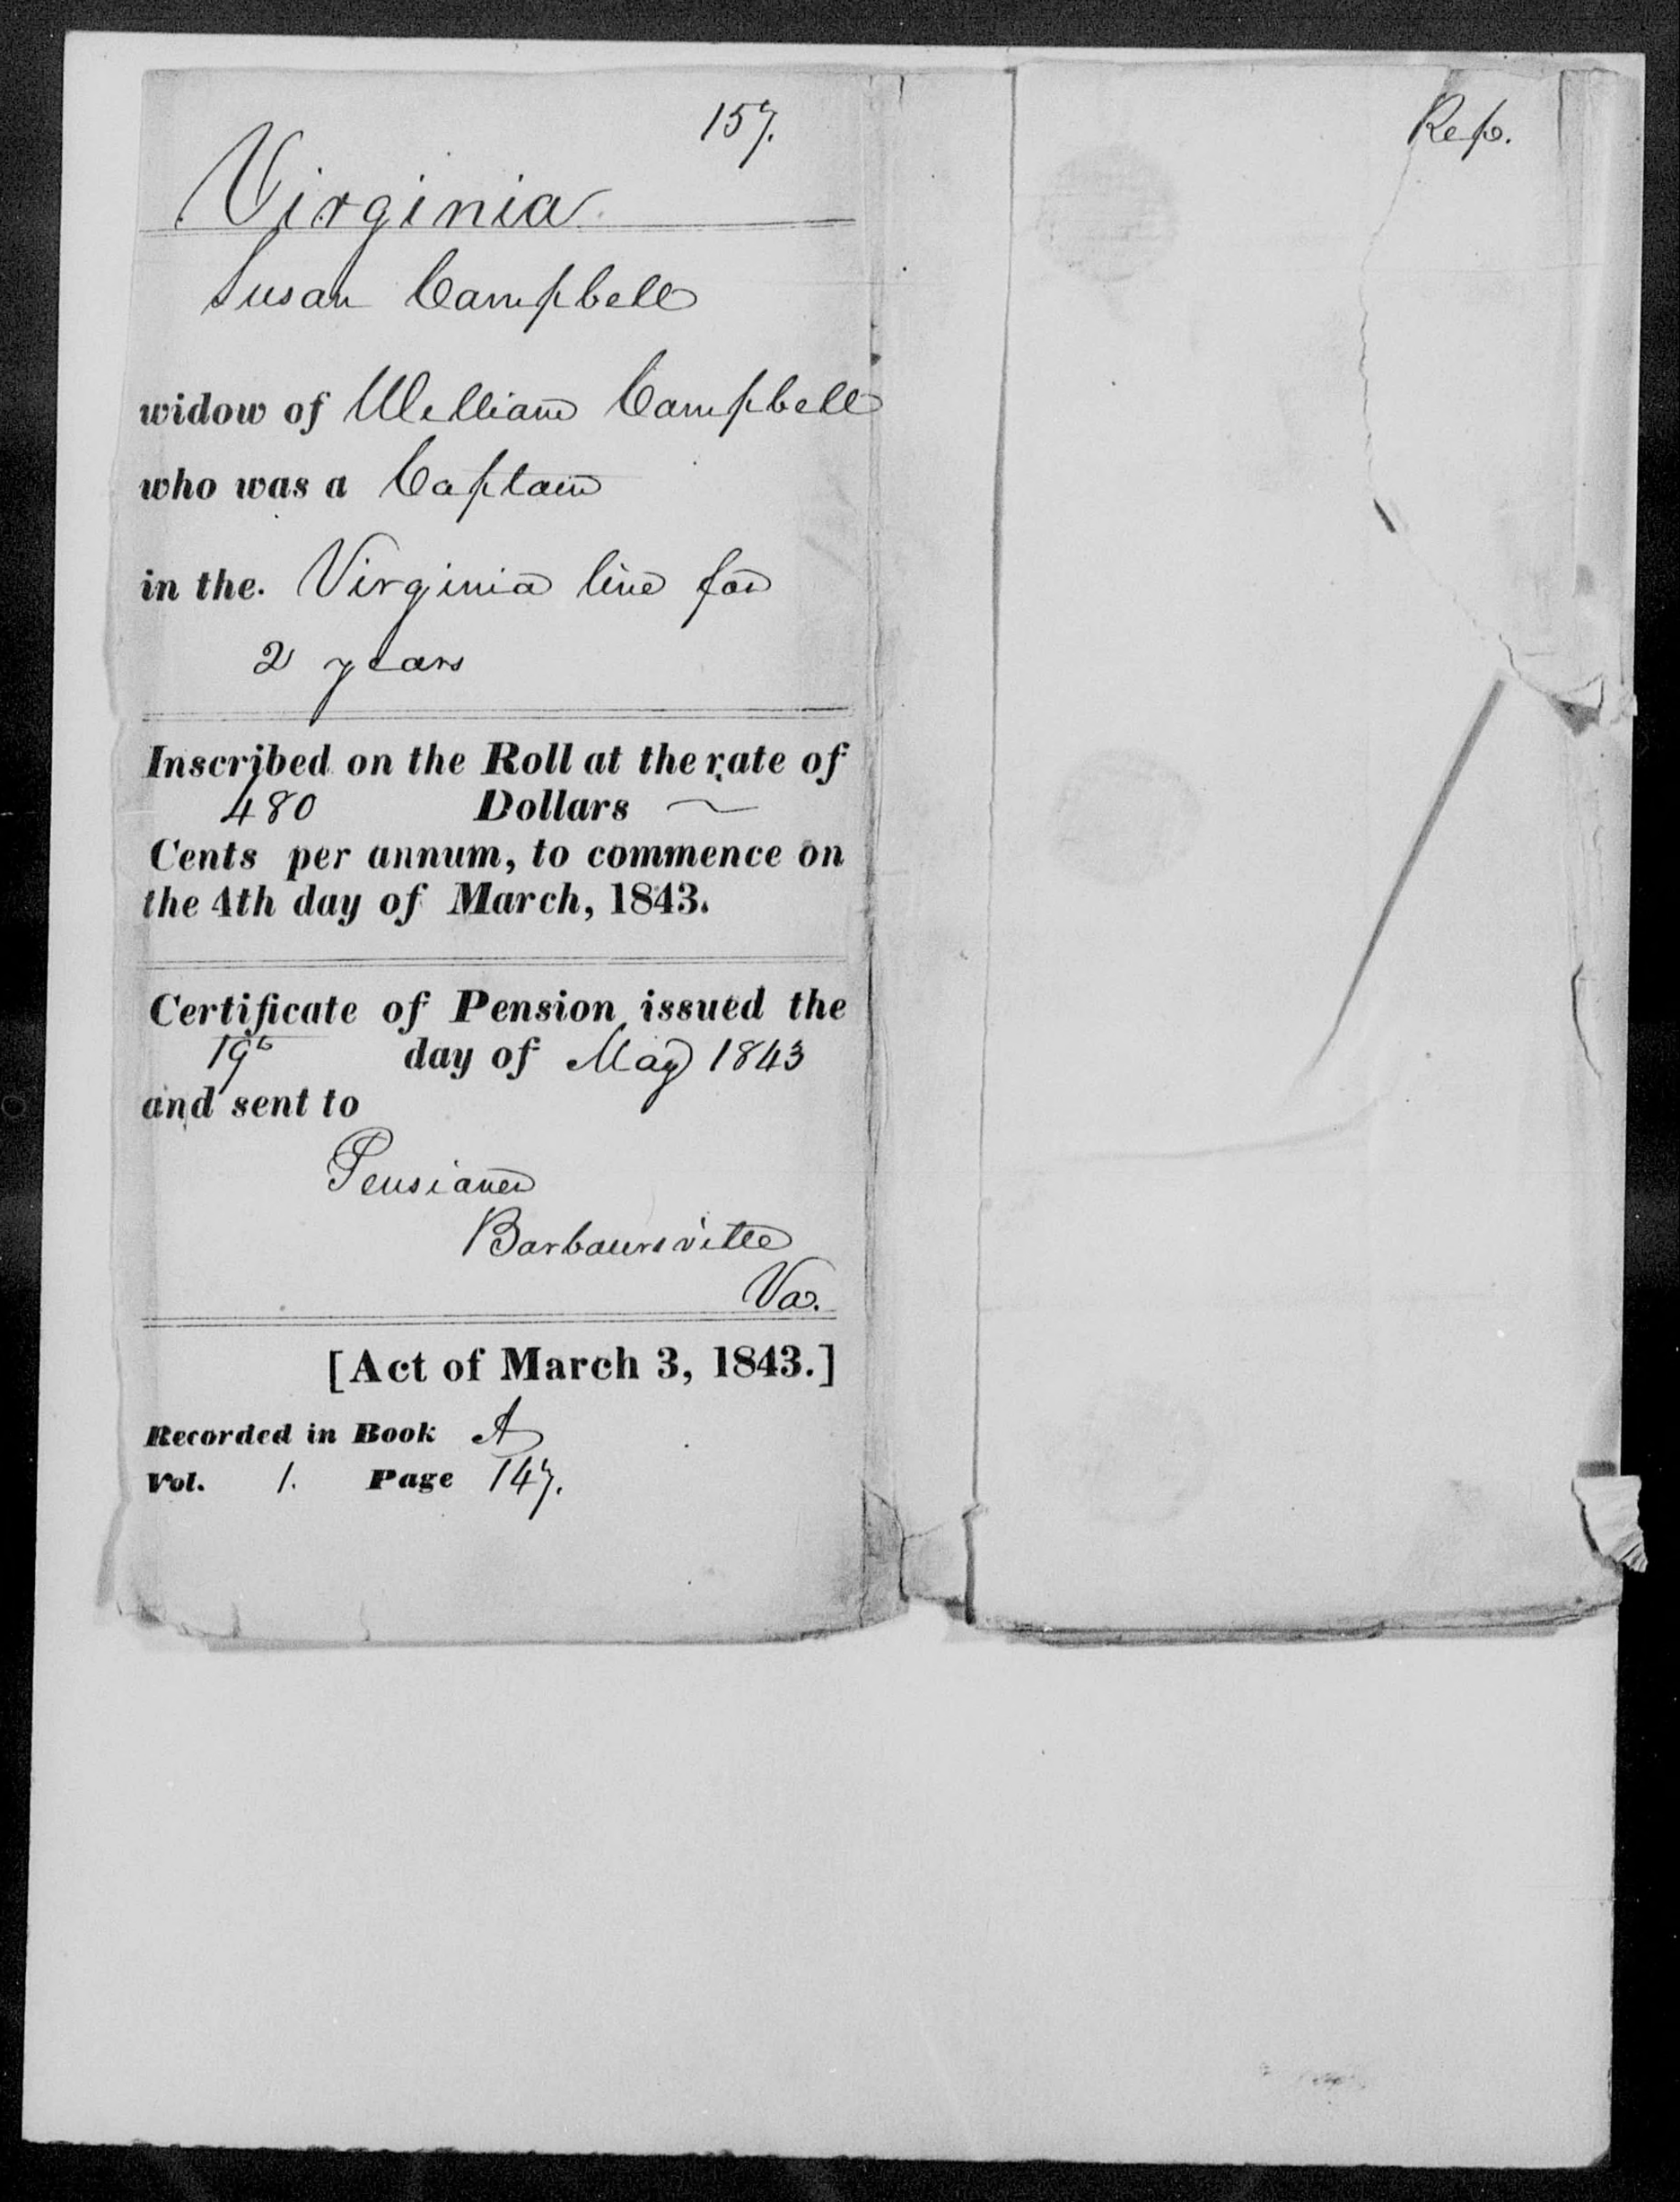157.               Rep.
Virginia
[double horizontal lines across page]
Susan Campbell

widow of William Campbell
who was a Captain
in the Virginia line for 2 years

[double horizontal lines across page]

Inscribed on the Roll at the rate of 480 Dollars --- Cents per annum, to commence on the 4th day of March, 1843.

[double horizontal lines across page]

Certificate of Pension issued the 19th day of May 1843 and sent to 
Pensioner
Barboursville
Va.
[double horizontal lines across page]

[Act of March 3, 1843.]
Recorded in Book A   Vol. 1.    Page 147.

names: William Campbell, Susan Campbell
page: 52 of 267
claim: widow's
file: W. 4,149, William Campbell, Va.